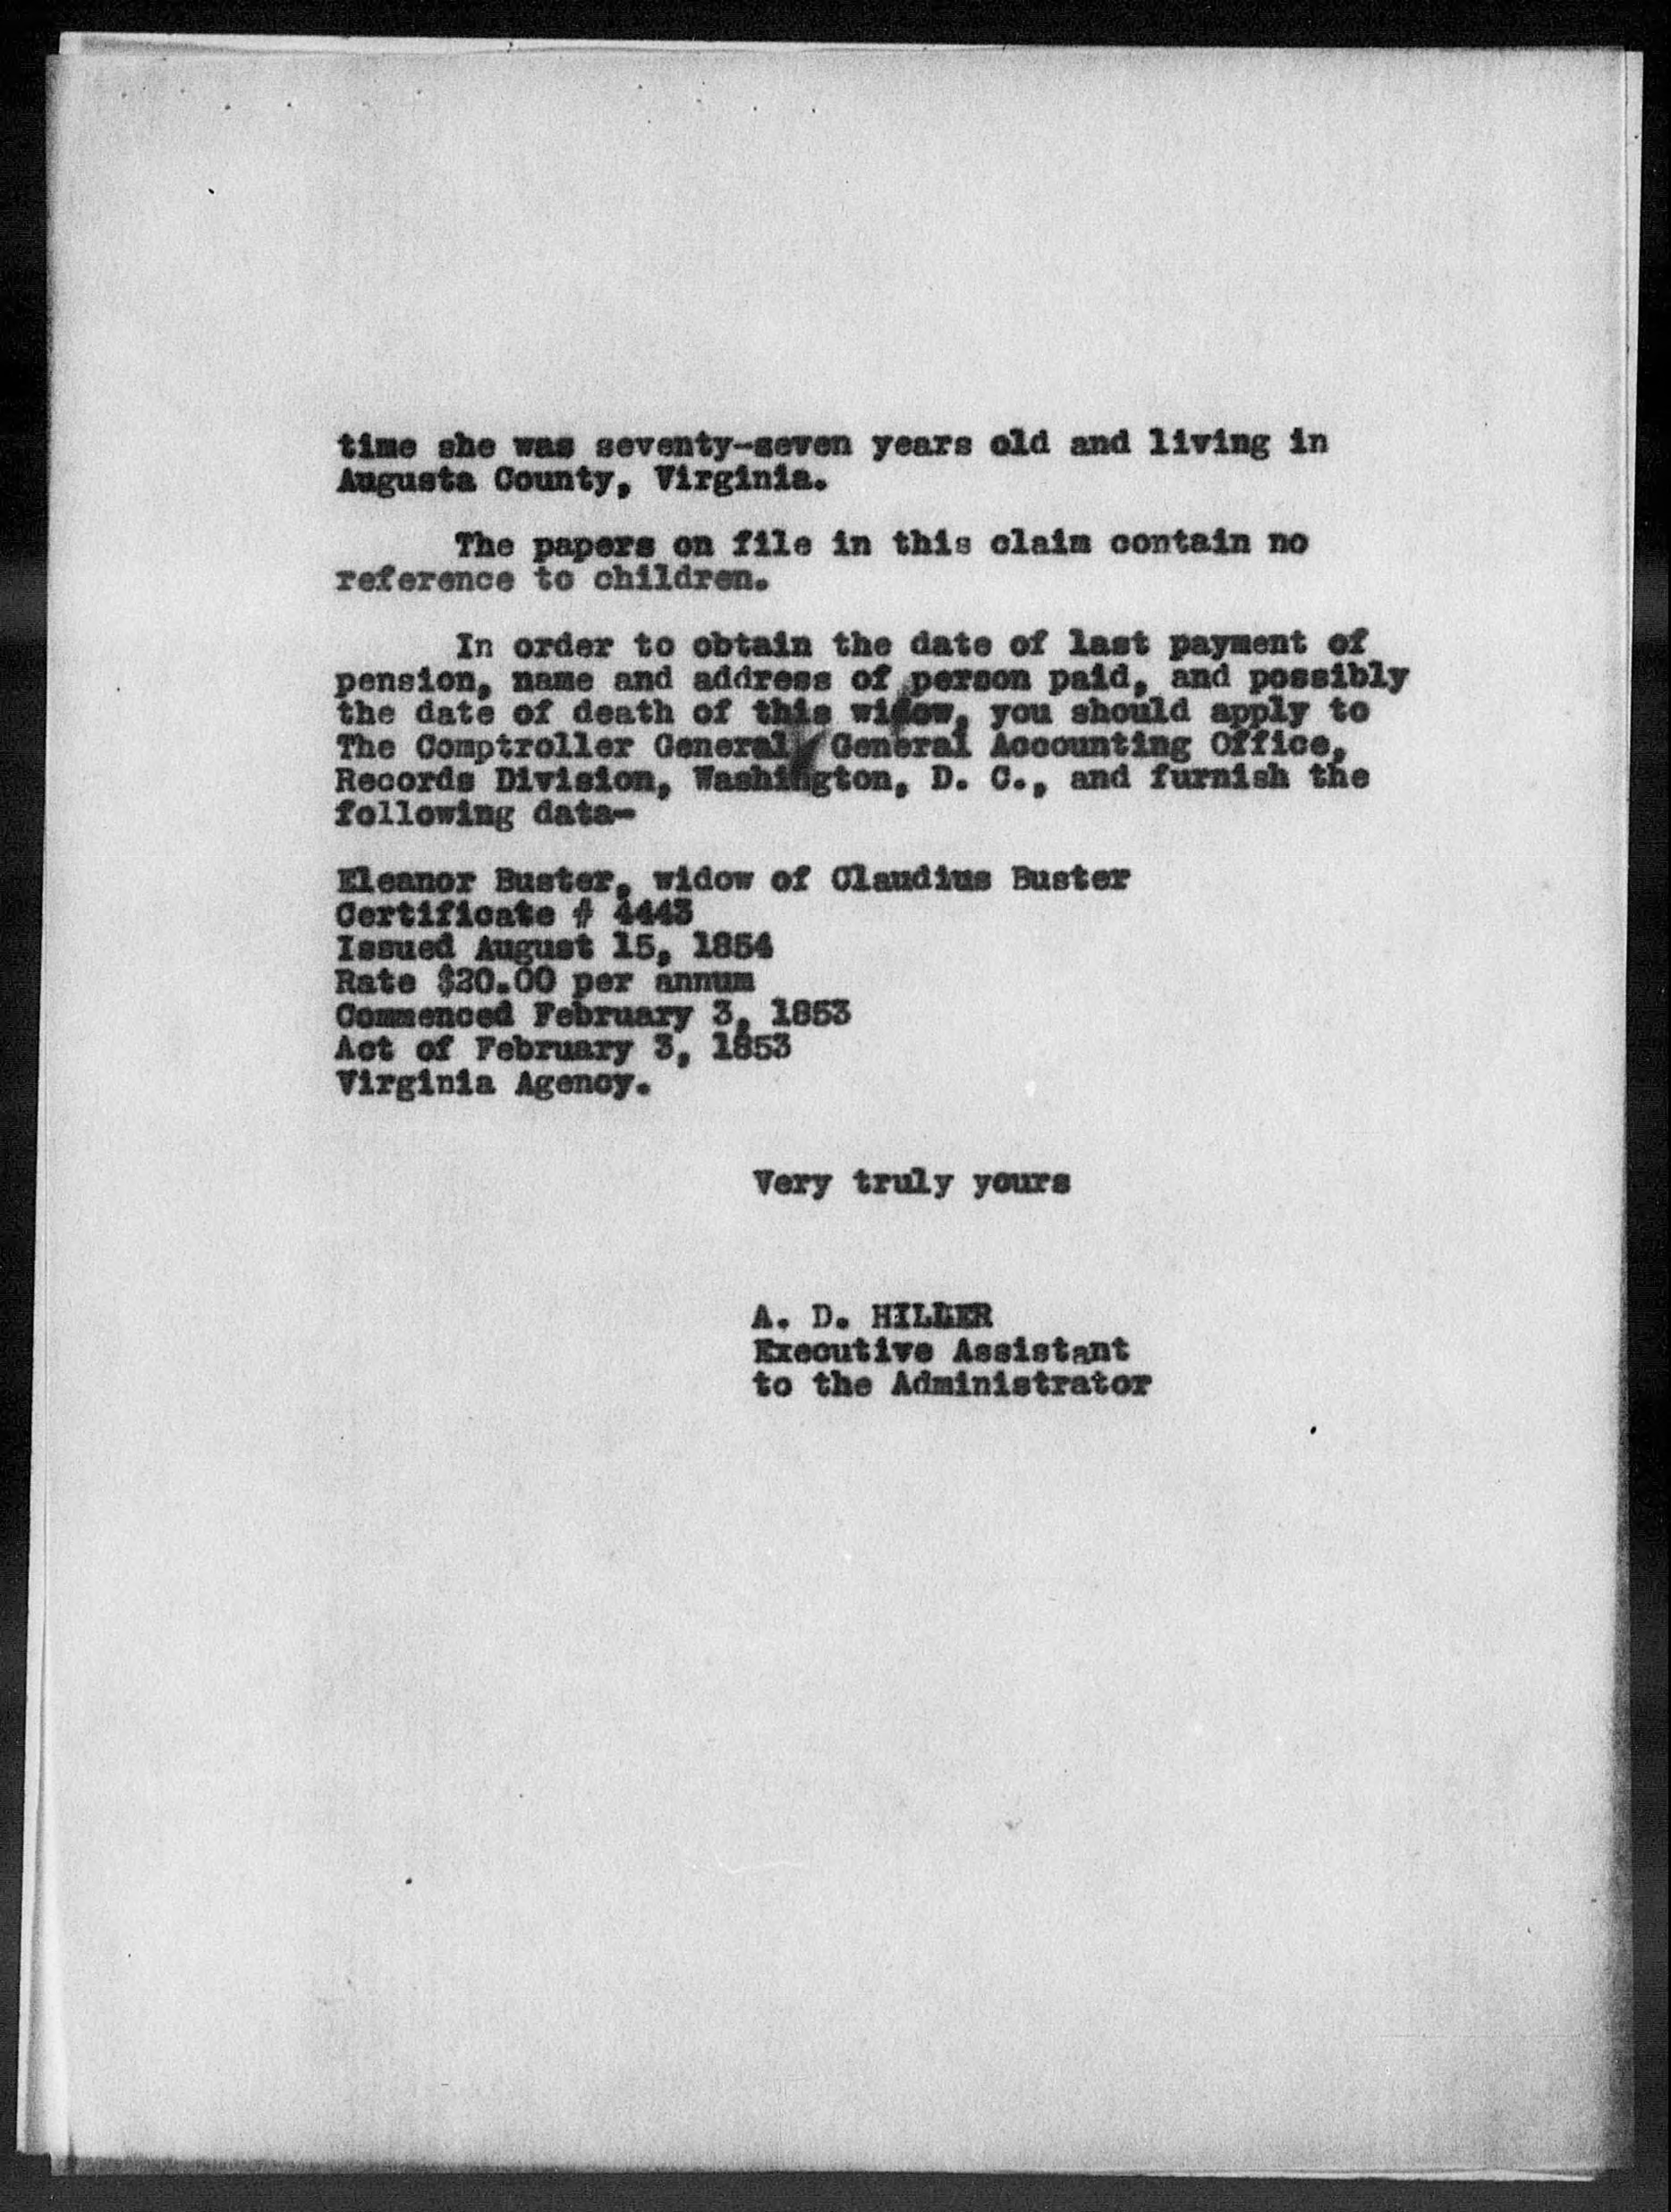time she was living in Augusta County, Virginia, aged seventy-seven years.

The papers on file in this claim contain no discernable data in regard to family.

In order to obtain the date of last payment, name and address of person paid, and possibly the date of death of this widow, you should apply to The Comptroller General, General Accounting Office, this city, and furnish the following data-

Eleanor Buster, widow of Claudius Buster
Certificate #4443
Issued August 15, 1854
Rate $20.00 per annum
Commenced February 3, 1853
Act of February 3, 1853
Virginia Agency.

Very truly yours
A. D. HILLER
Executive Assistant to the Administrator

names: A D Hiller, Eleanor Buster, Claudius Buster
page: 67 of 71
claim: widow's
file: W. 25310, Claudius Buster, Va.